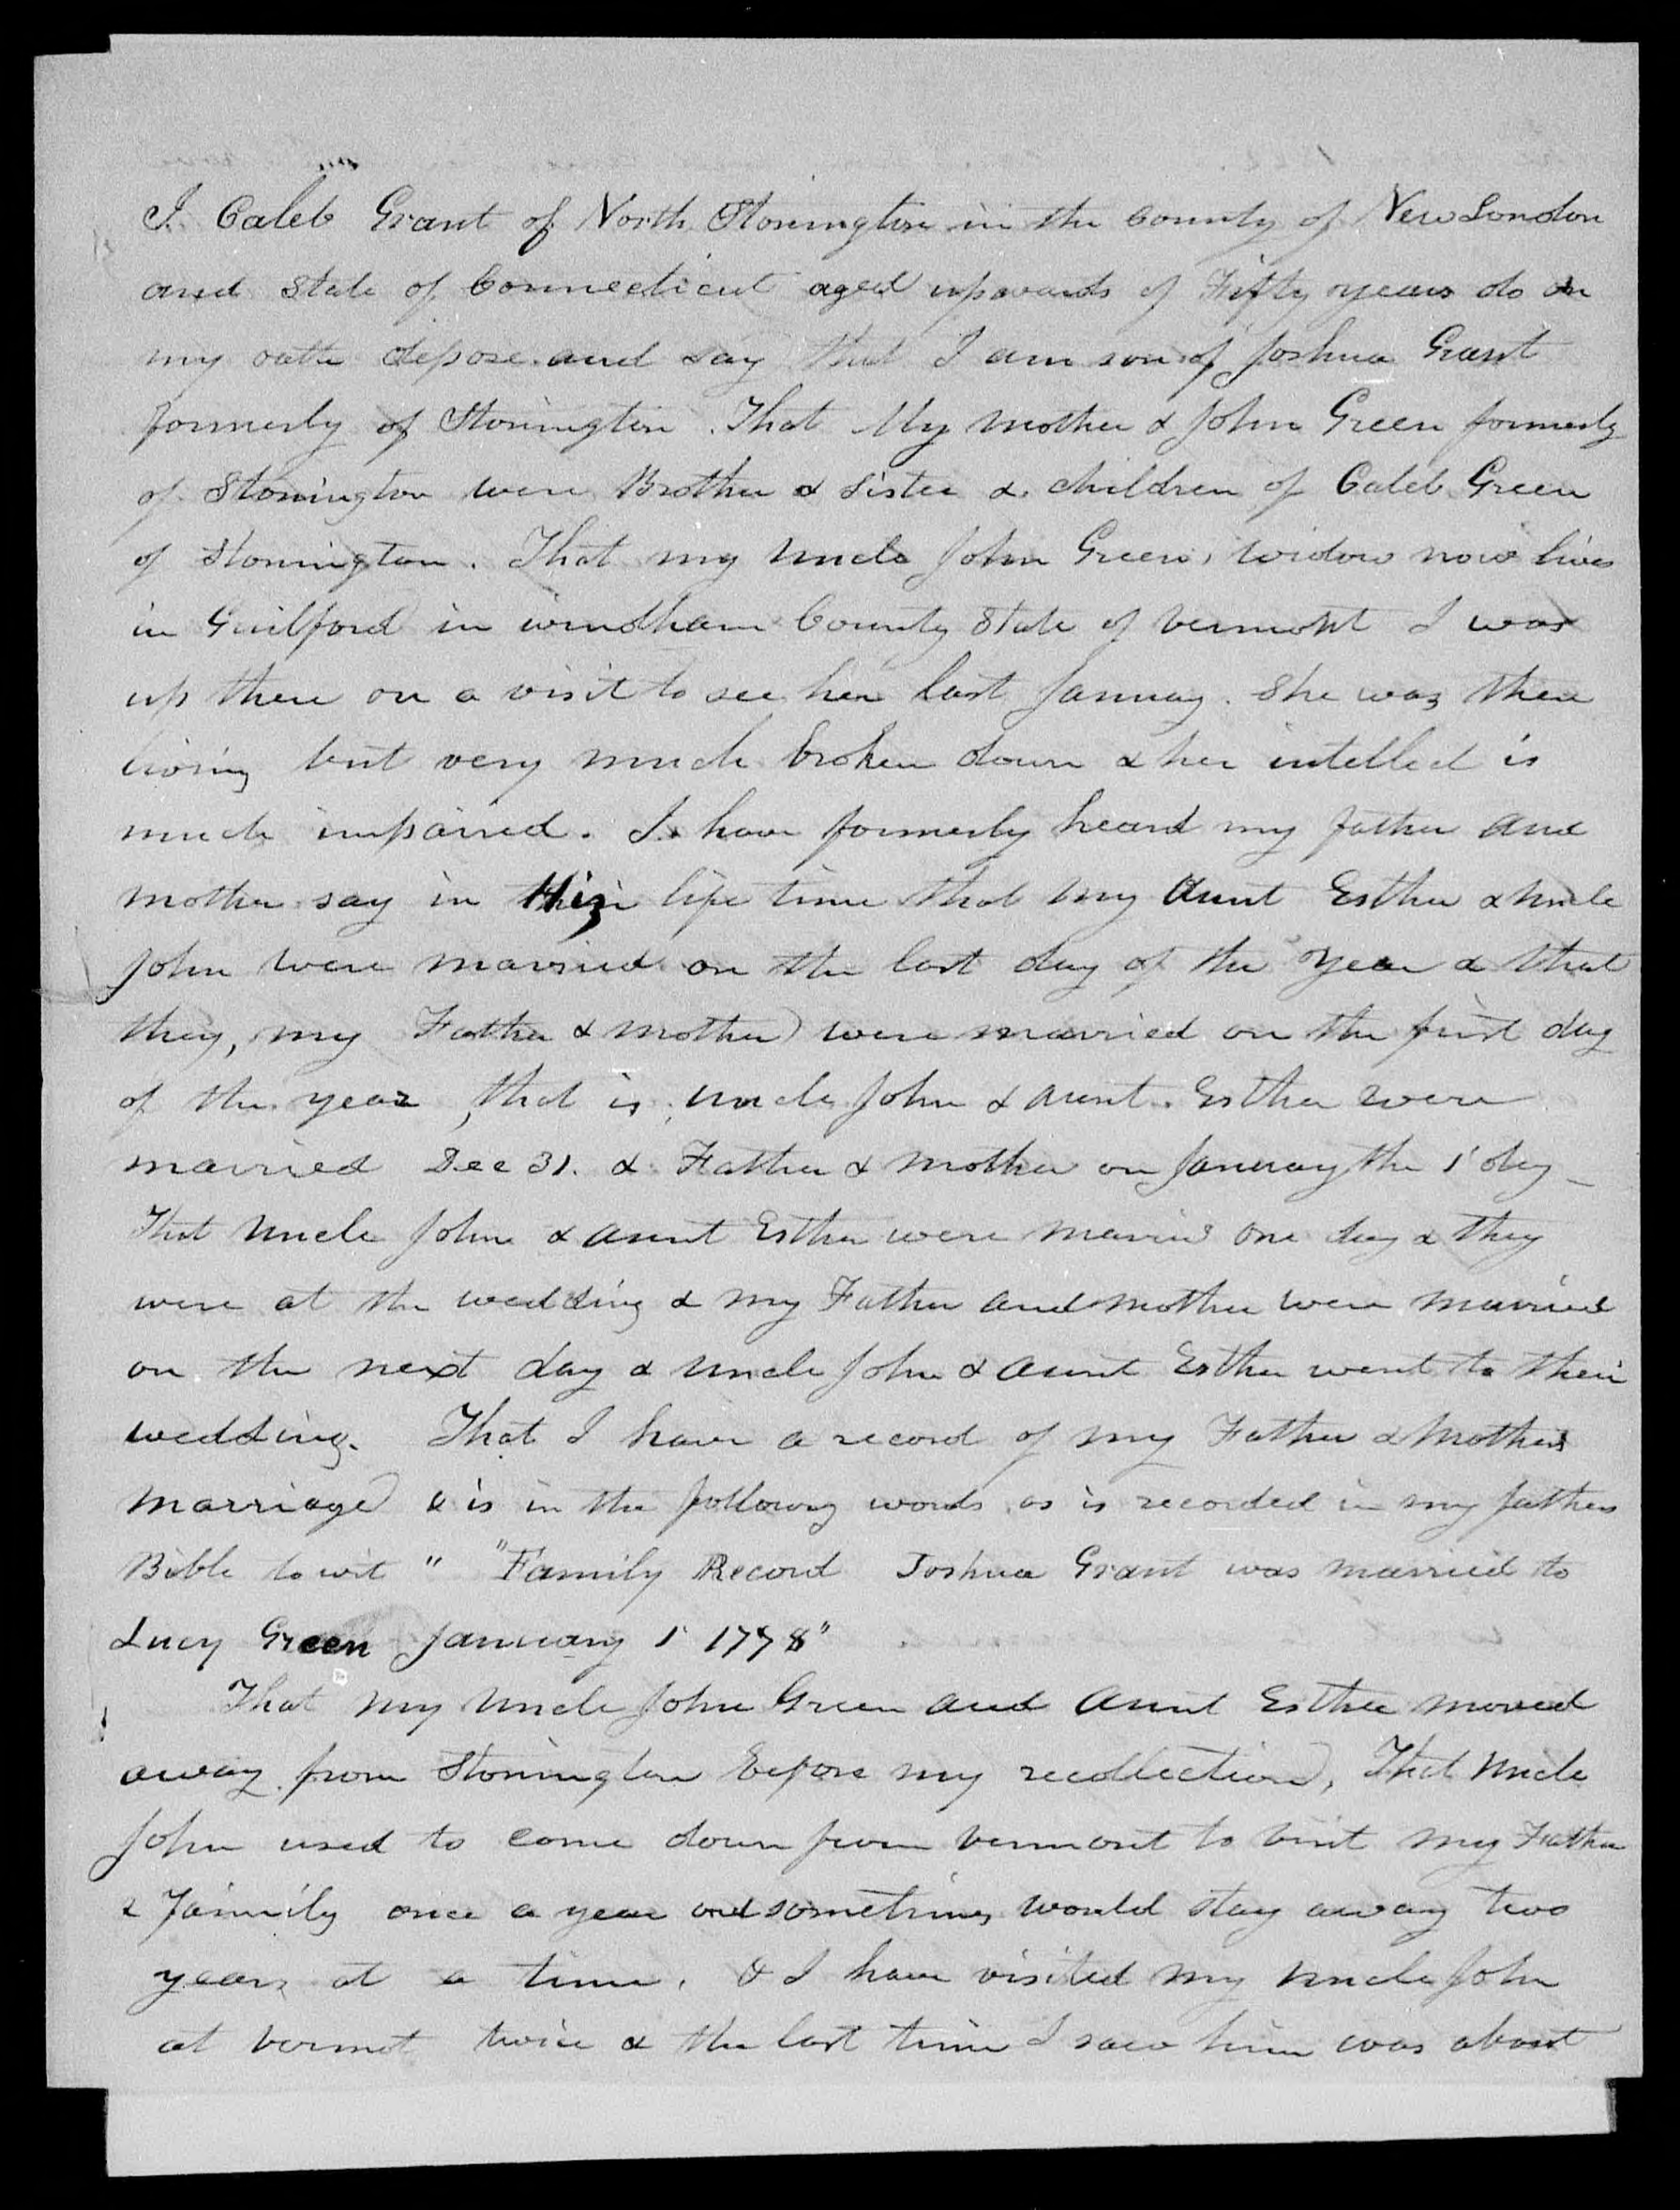I Caleb Grant of North Stonington in the county of New London and state of Connecticut aged upwards of fifty years old [not legible] my oath depose and say that I am son of Joshua Grant formerly of Stonington. That my mother and John Green formerly of Stonington were Brother and Sister and children of Caleb Green of Stonington. That my uncle John Green's widow now lives in Guilford in Windham County state of Vermont. I was up there on a visit to see her last January. She was [not legible] living but very much broken down and her intellect is much impaired. I have formerly heard my father and mother say in his life time that my Aunt Esther and Uncle John were married on the last day of the year and that they, my father and mother, were married on the first day of the year, that is uncle John and aunt Esther were married Dec. 31 and father and mother on January the 1 day. That uncle John and aunt Esther were married one day and they were at the wedding and my father and mother were married on the next day and uncle John and aunt Esther went to their wedding. That I have a record of my father and mother's marriage and is in the following words as is recorded in my father's Bible to [not legible] "Family Record Joshua Grant was married to Lucy Green January 1, 1778"
That my uncle John Green and aunt Esther moved away from Stonington before my recollection. That uncle John used to come down from Vermont to visit my father and family once a year and sometimes would stay away two years at a time. O I have visited my uncle John at Vermont twice and the last time I saw him was about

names: Joshua Grant, John, John Green, Esther, John, Esther, John, John Green, John, Caleb Green, Esther, Esther, John, Caleb Grant, Esther, John, John Green, Lucy Green, Joshua Grant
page: 7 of 40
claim: rejected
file: R. 4251, John Green, Conn.